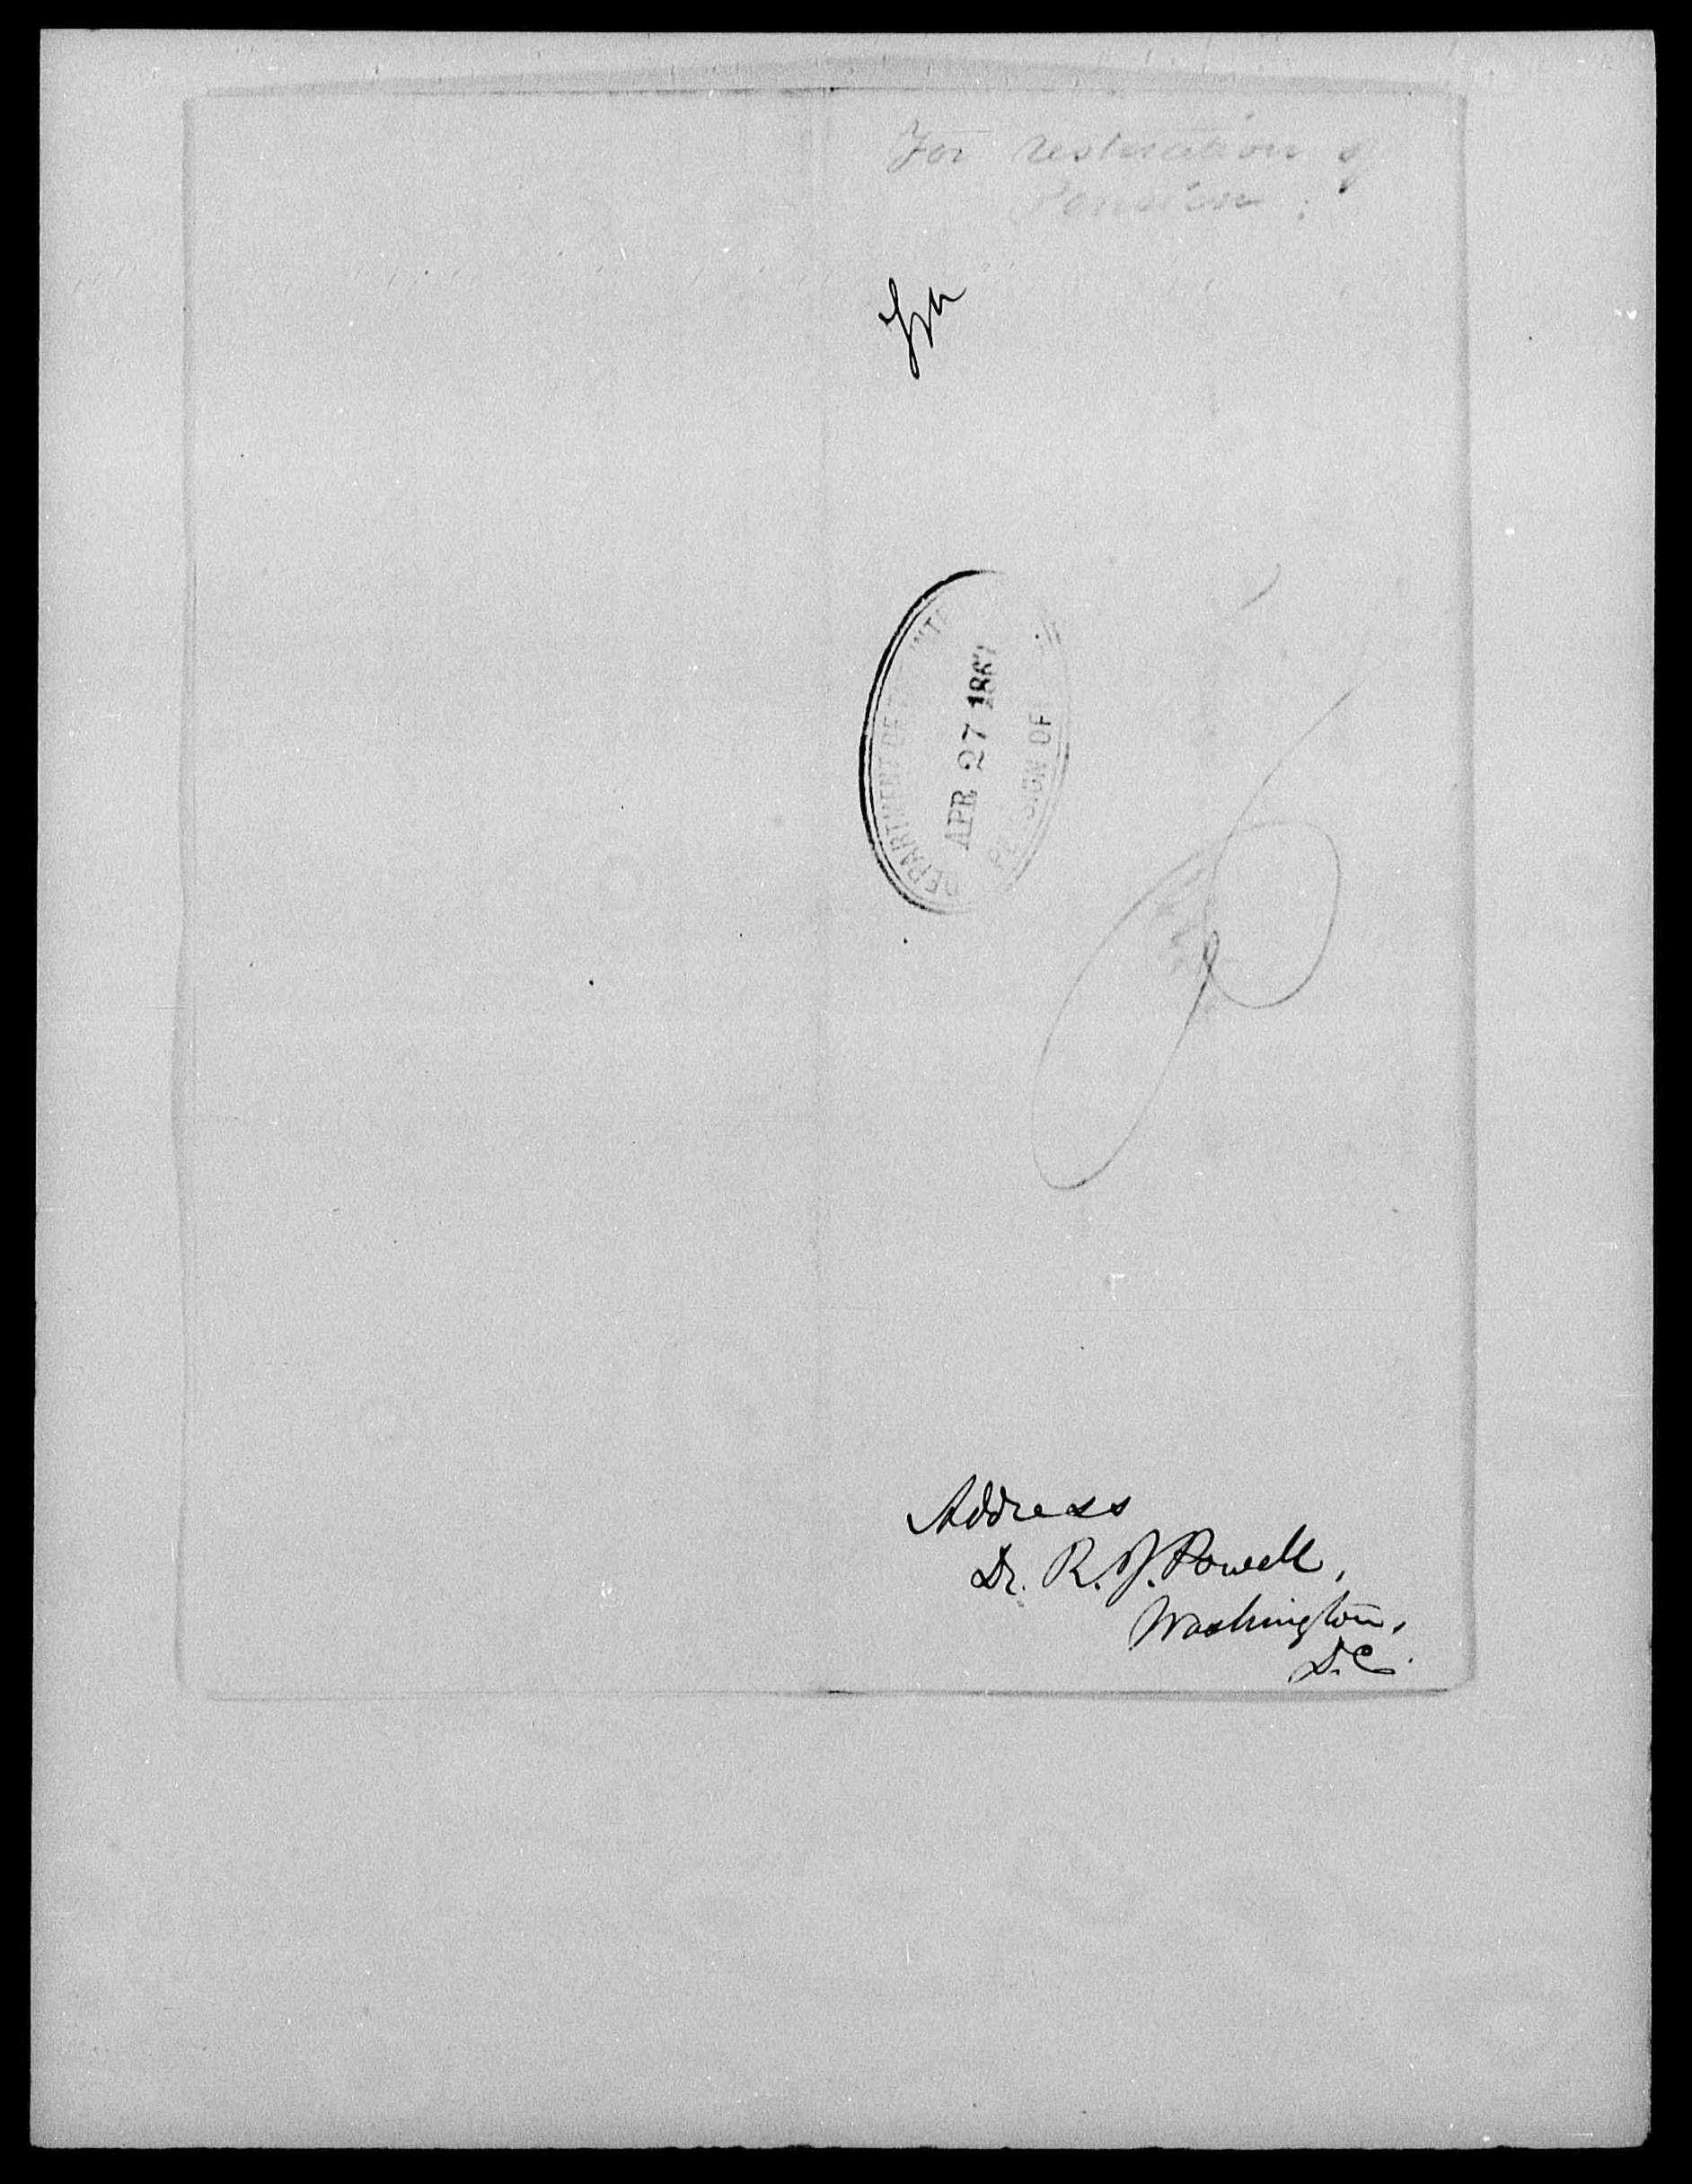For the Restoration of Pension

Department of the Interior 
APR 27 1867
Pension of 

Address
Dr. R.J Powell, 
Washington, D.C.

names: R J Powell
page: 48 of 81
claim: widow's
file: W. 7262, Robert Ferguson, Va.